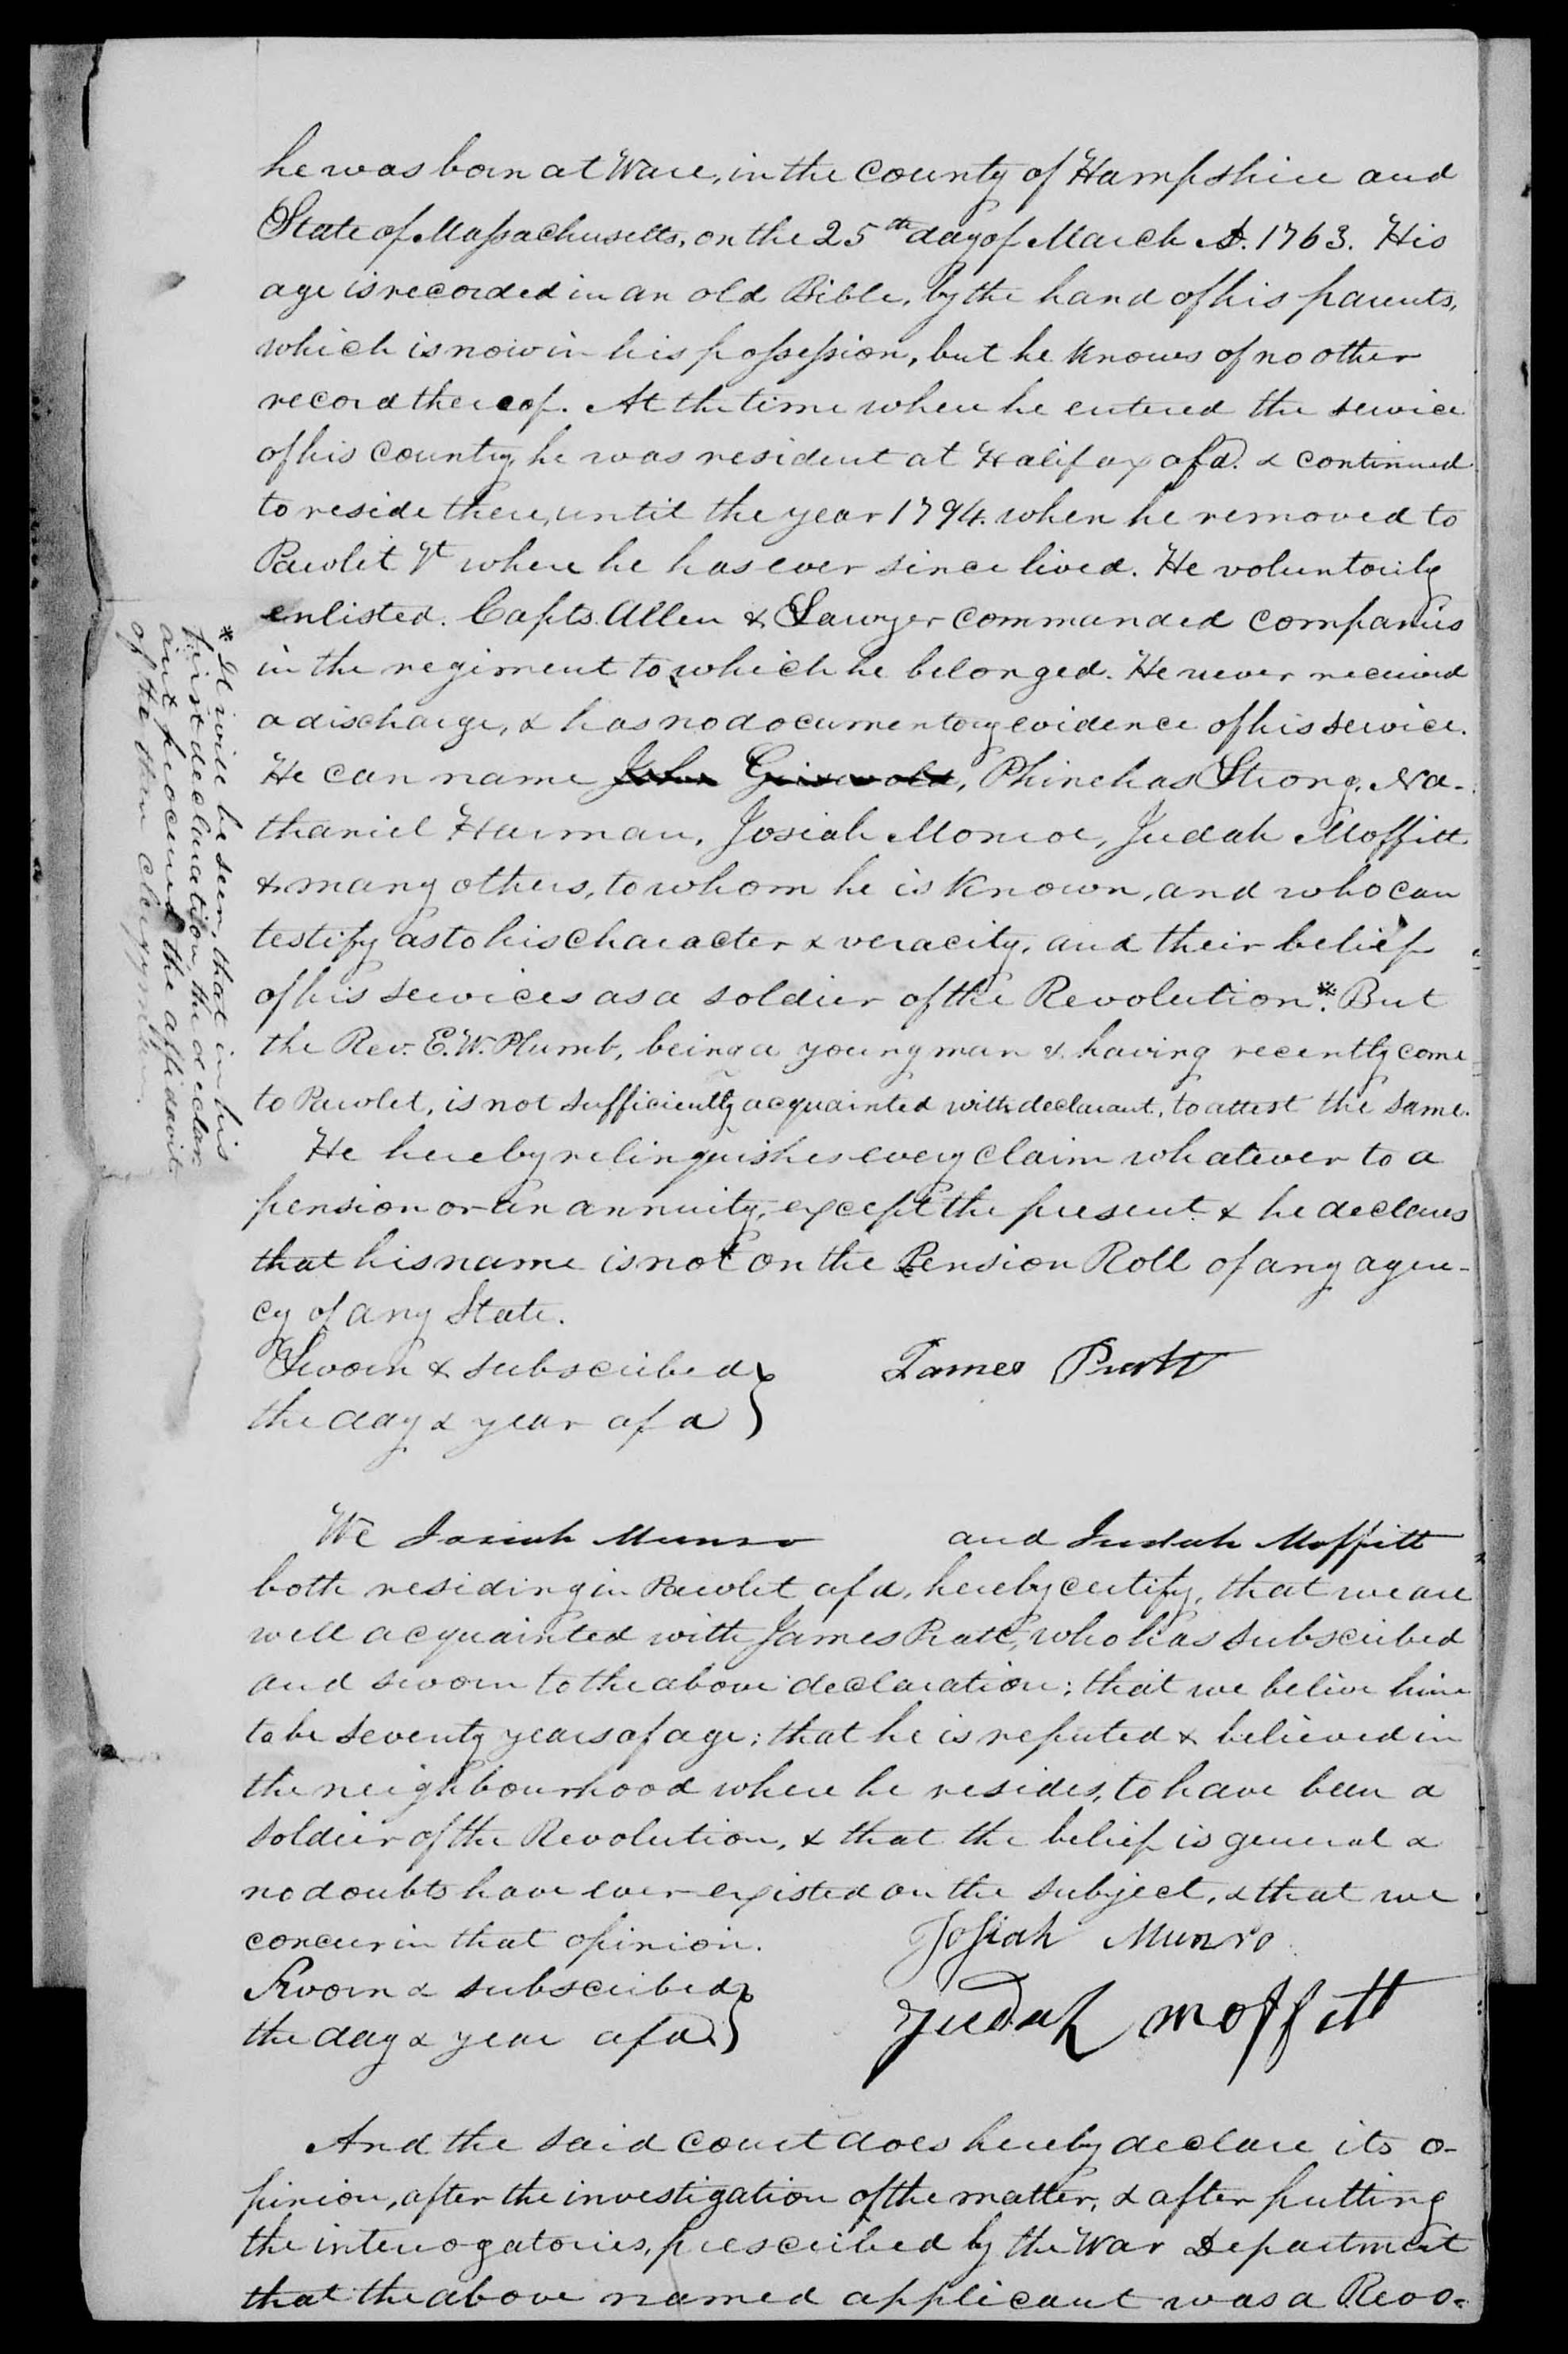he was born at Ware, in the County of Hampshire and
State of Massachusetts, on the 25th day of March AD. 1763. His
age is recorded in an old Bible, by the hand of his parents
which is now in his possession, but he knows of no other
record thereof. At the time where he entered the service
of his country he was resident at Halifax af’d & continued
to reside there, until the year 1794. when he removed to
Pawlet & where he has ever since lived. He voluntarily
enlisted. Capt. Allen & Sawyer commanded companies
in the regiment to which he belonged. He never received
discharge & has no documentary evidence of his service.
He can named John Griswold, Phineas Strong, Nathaniel Harman, 
Josiah Monroe,  Judah Moffitt & many others, to whom he is known,
 and who can testify as to his character & veracity, and their belief
of his services as a soldier of the Revolution. But
the Rev. E.W. Plumb, being a young man & having recently come
to Pawlet, is not sufficiently acquainted with declarant, to attest the same.
He hereby relinquishes every claim whatever to a
pension or an annuity, except the present & he declares
that his name is not on the Pension Roll of any agency of any State.
James Pratt
Sworn & subscribed
the day & year af’d

We Josiah Munro and Judah Moffitt
both residing in Pawlet and hereby certify, that we are
well acquainted with James Pratt, who has subscribed
and sworn to the above declaration; that we believe him
to be seventy years of age; that he is reputed & believed in
the neighbourhood where he resides, to have been a
soldier of the Revolution, & that the belief is general
no doubts have ever existed on the subject, & that we
concur in that opinion
Sworn subscribed
the day & year  af’d
Josiah Munro
Judah Moffitt

And the said Court does hereby declare its
  opinion, after the investigation of the matter & after putting
the interrogatories prescribed by the War Department
that the above named applicant was a Revolutionary

[handwritten vertically]
It will be seen that in his first declaration, the declarant procured the affidavit of the clergyman.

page: 21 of 29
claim: survivor's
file: S. 14,222, for James Pratt, Vermont